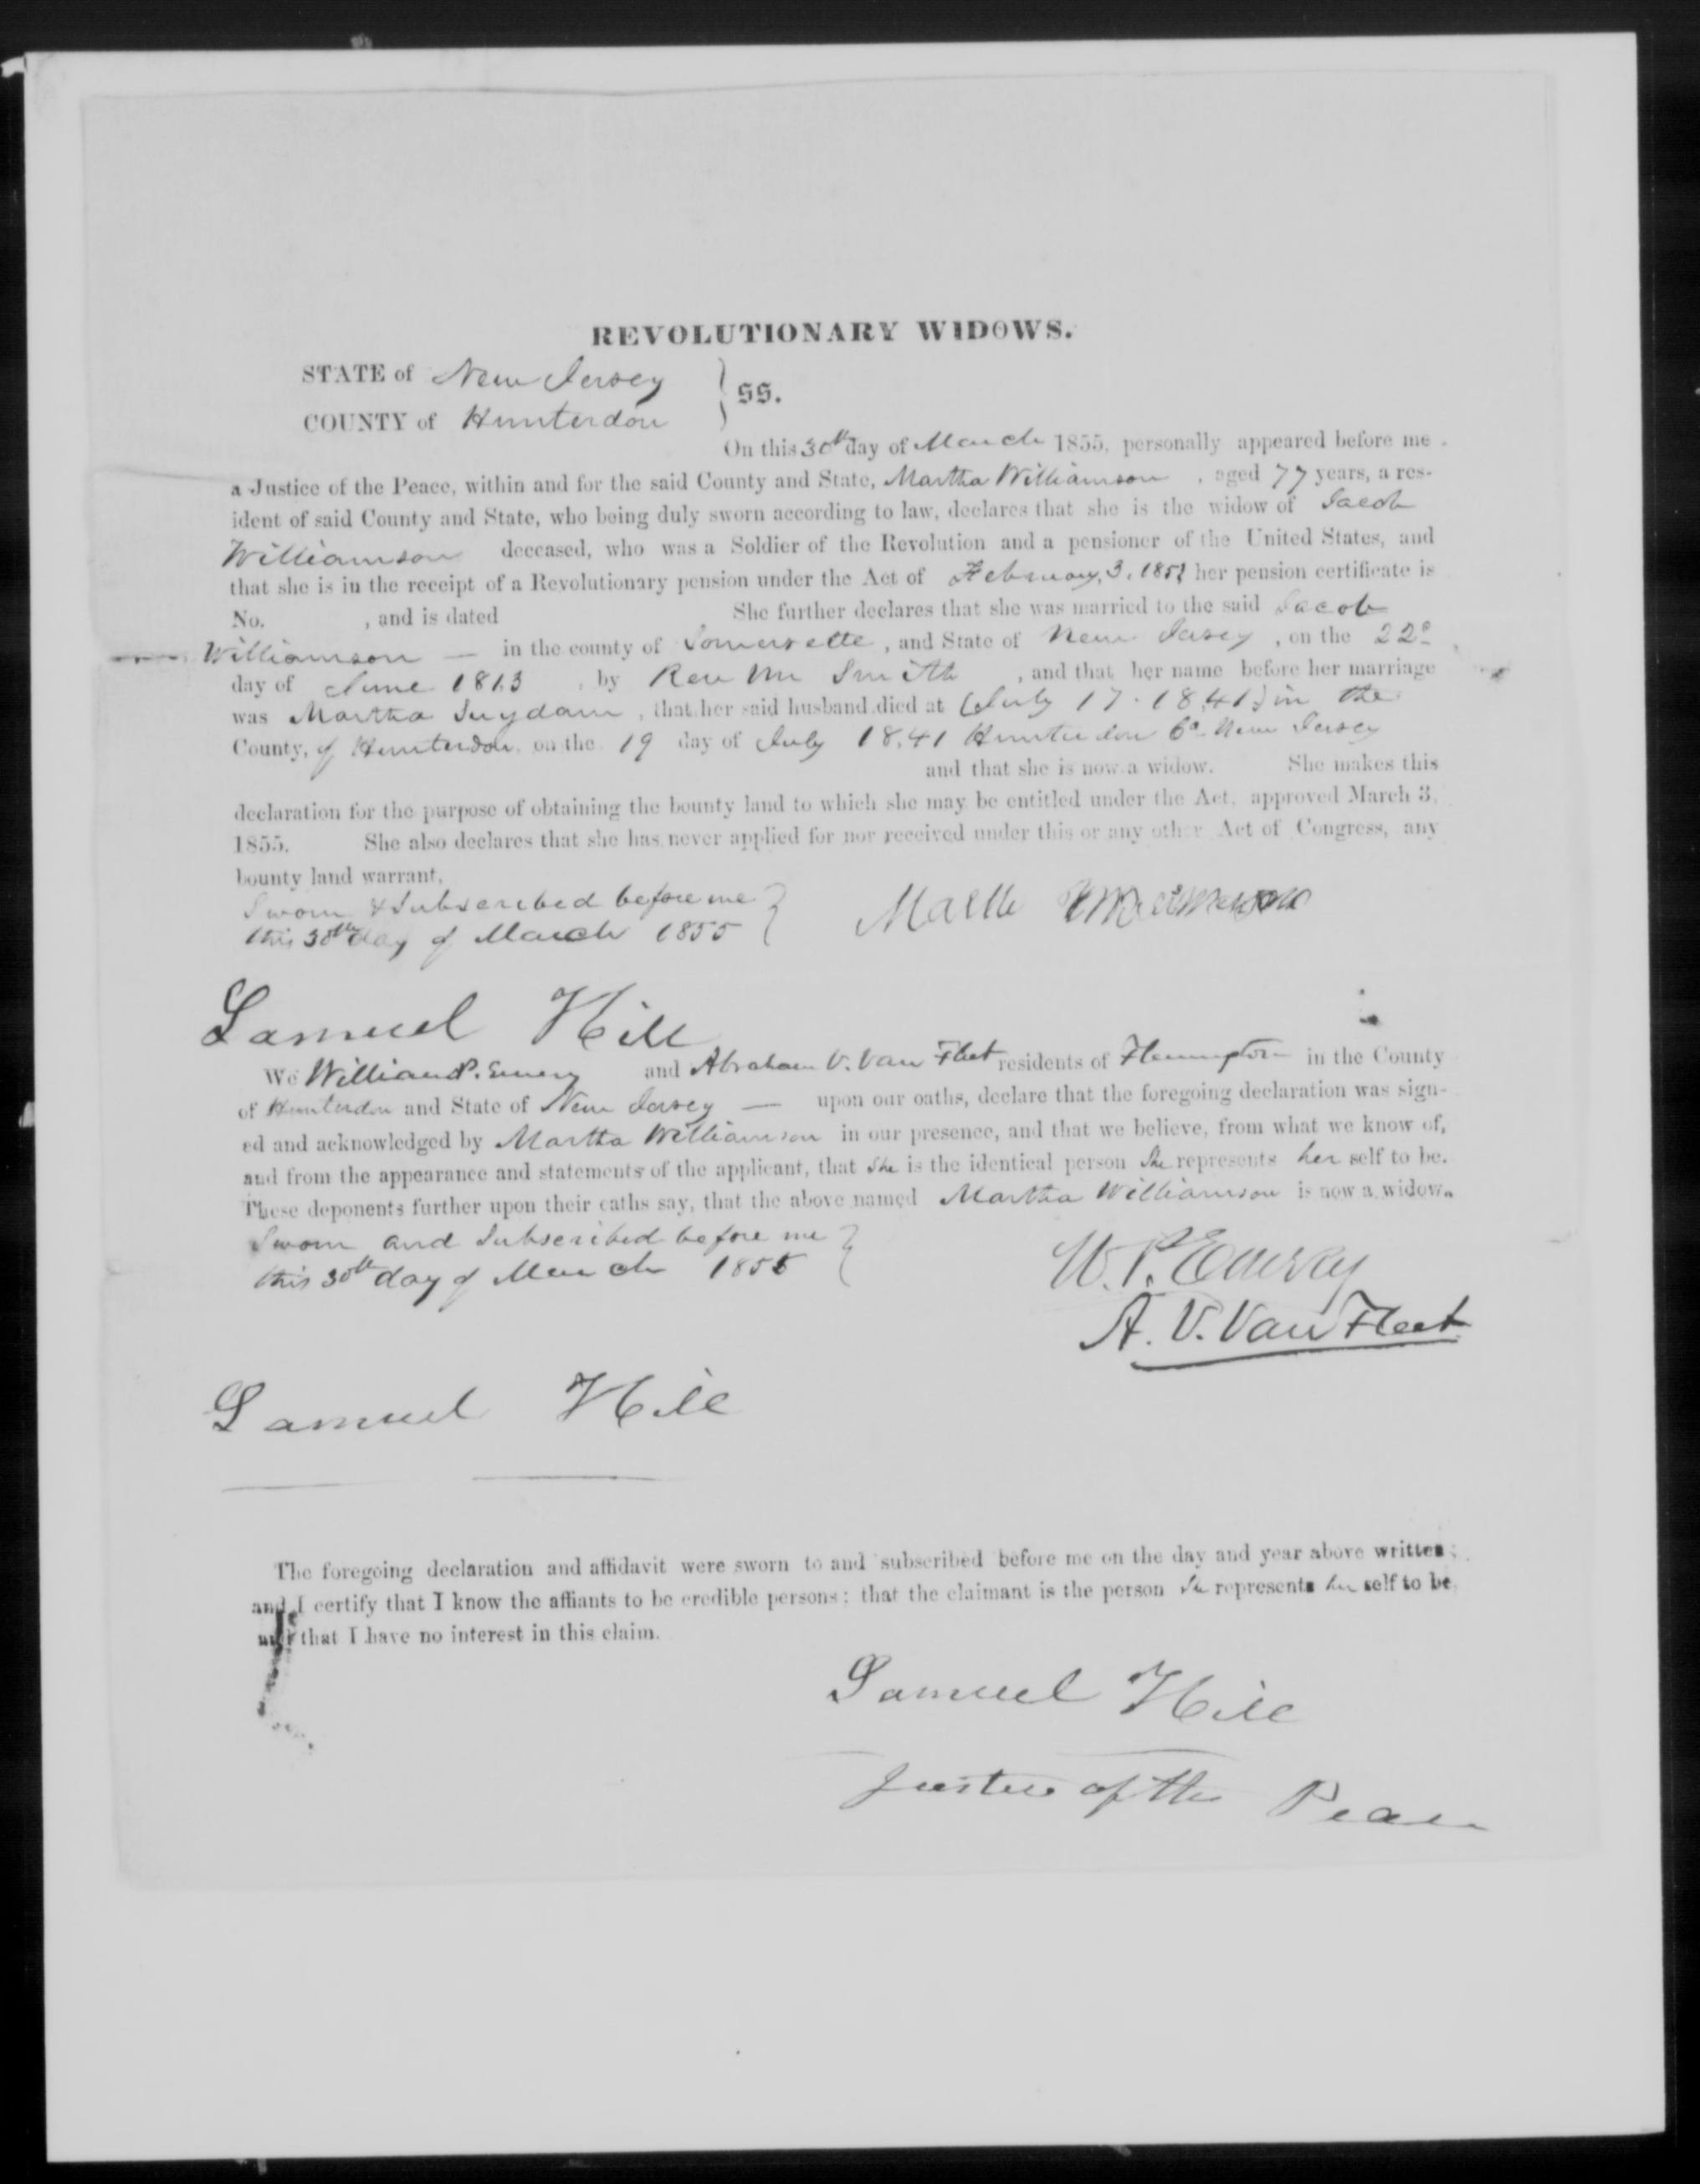REVOLUTIONARY WIDOWS.

STATE of New Jersey
COUNTY of Hunterdon//

On this 30th day of March 1855 personally appeared before me, a Justice of the Peace, within and for the said County and State, Martha Williamson, aged 77 years, a resident of said County and State, who being duly sworn according to law, declares that she is the widow of Jacob Williamson, deceased, who was a Soldier of the Revolution and a pensioner of the United States, and that she is in the receipt of a Revolutionary pension under the Act of February 3, 1853 her pension certificate is No. (blank), and is dated (blank). She further declares that she was married to the said Jacob Williamson in the County of Somerset, and State of New Jersey, on the 22nd day of June 1813 by Rev. Mr. Smith, and that her name before her marriage Martha Suydam, that her said husband died at July 17, 1841 in the County of Hunterdon on the 19 day of July 1841, Hunterdon Co., New Jersey, and that she is now a widow. She makes this declaration for the purpose of obtaining the bounty land to which she may be entitled under the Act approved March 3, 1855. She also declares that she has never applied for nor received under this or any other Act of Congress, any bounty land warrant.
s/ Martha Williamson

Sworn & subscribed before me this 30th day of March 1855.
s/ Samuel Hill

We, William P. Emery and Abraham V. Van Fleet, a residents of Flemington in the County of Hunterdon and State of New Jersey upon our oaths, declare that the foregoing declaration was signed and acknowledged by Martha Williamson in our presence, and that we believe, from what we know of, and from the appearance and statements of the applicant, that she is the identical person she represents herself to be. These deponent further upon their oaths say, that the above named Martha Williamson is now a widow.
s/ W.P. Emery 
s/ A.V. Van Fleet

Sworn & subscribed before me this 30th day of March 1855.
s/ Samuel Hill

The foregoing declaration and affidavit were sworn to and subscribed before me on the day and year above written and I certify that I know the affiants to be credible persons; that the claimant is the person he represents herself to be and that that I have no interest in this claim.
s/ Samuel Hill, Justice of the Peace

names: Abraham V Van Fleet, Smith, Samuel Hill, Jacob Williamson, Marth Williamson, Martha Suydam, William P Emery, Martha Williamson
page: 18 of 67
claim: widow's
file: W. 2393, Jacob Williamson, New Jersey